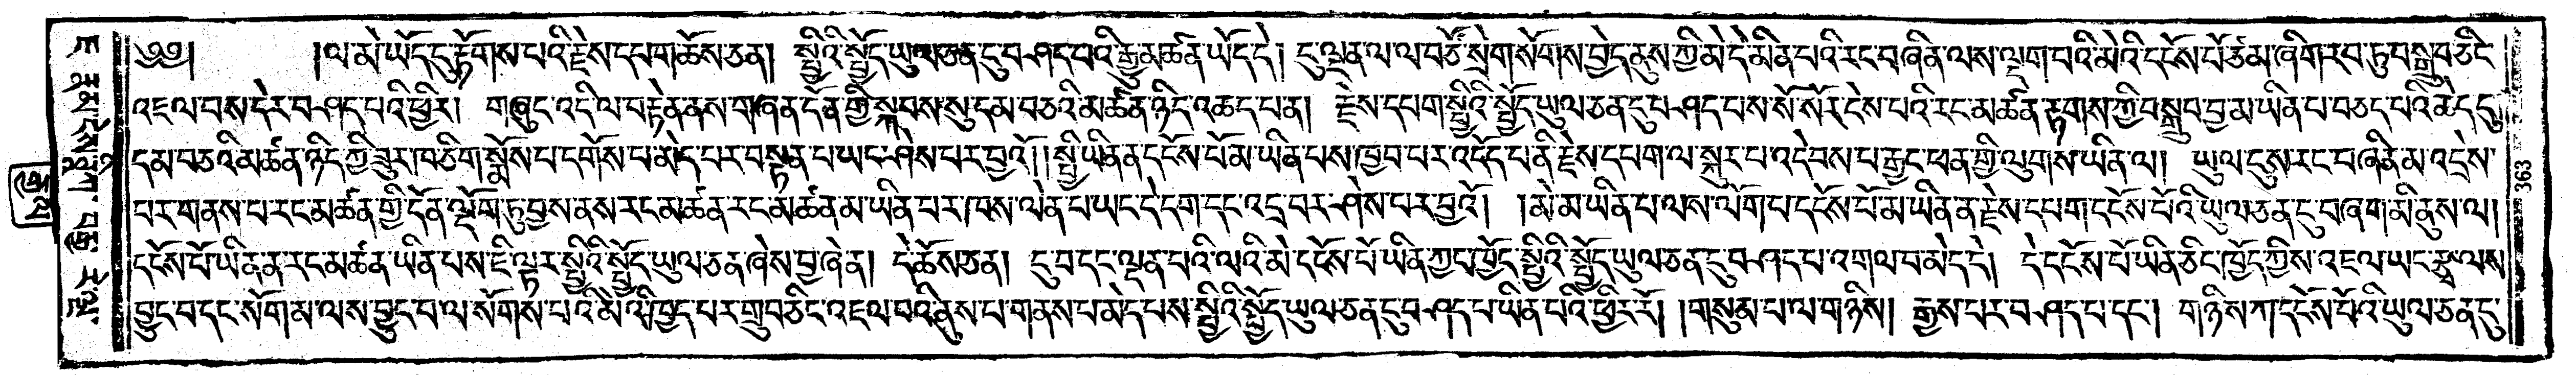༄༅། །ལ་མེ་ཡོད་དུ་རྟོགས་པའི་རྗེས་དཔག་ཆོས་ཅན། སྤྱིའི་སྤྱོད་ཡུལ་ཅན་དུ་བཤད་པའི་རྒྱུ་མཚན་ཡོད་དེ། དུ་ལྡན་ལ་ལ་བཙོ་སྲེག་སོགས་བྱེད་ནུས་ཀྱི་མེ་དེ་མིན་པའི་རང་བཞིན་ལས་ལྡག་པའི་མེའི་དངོས་པོ་ཙམ་ཞིག་རབ་ཏུ་བསྒྲུབ་ཅིང་
འཇལ་བས་དེར་བཤད་པའི་ཕྱིར། གཞུང་འདི་ལ་བརྟེན་ནས་གཞན་དོན་གྱི་སྐབས་སུ་དམ་བཅའི་མཚན་ཉིད་འཆད་པ་དང་། རྗེས་དཔག་སྤྱིའི་སྤྱོད་ཡུལ་ཅན་དུ་བཤད་པས་སོ་སོར་ངེས་པའི་རང་མཚན་རྟགས་ཀྱི་བསྒྲུབ་བྱ་མ་ཡིན་པ་བཅད་པའི་ཆེད་དུ་
དམ་བཅའི་མཚན་ཉིད་ཀྱི་ཟུར་ཁ་ཅིག་སྨོས་པ་དགོས་པ་མེད་པར་བསྟན་པ་ཡང་ཤེས་པར་བྱའོ། །སྤྱི་ཡིན་ན་དངོས་པོ་མ་ཡིན་པས་ཁྱབ་པར་འདོད་པ་ནི་རྗེས་དཔག་ལ་སྐུར་པ་འདེབས་པ་རྒྱང་ཕན་གྱི་ལུགས་ཡིན་ལ། ཡུལ་དུས་རང་བཞིན་མ་འདྲེས་
པར་གནས་པ་རང་མཚན་གྱི་དོན་ལྡོག་ཏུ་བྱས་ནས་རང་མཚན་རང་མཚན་མ་ཡིན་པར་ཁས་ལེན་པ་ཡང་དེ་དག་དང་འདྲ་བར་ཤེས་པར་བྱའོ། །མེ་མ་ཡིན་པ་ལས་ལོག་པ་དངོས་པོ་མ་ཡིན་ན་རྗེས་དཔག་དངོས་པོའི་ཡུལ་ཅན་དུ་བཞག་མི་ནུས་ལ།
དངོས་པོ་ཡིན་ན་རང་མཚན་ཡིན་པས་ཇི་ལྟར་སྤྱིའི་སྤྱོད་ཡུལ་ཅན་ཞེས་བྱ་ཞེ་ན། དེ་ཆོས་ཅན། དུ་བ་དང་ལྡན་པའི་ལའི་མེ་དངོས་པོ་ཡིན་ཀྱང་ཁྱོད་སྤྱིའི་སྤྱོད་ཡུལ་ཅན་དུ་བཤད་པ་འགལ་བ་མེད་དེ། དེ་དངོས་པོ་ཡིན་ཅིང་ཁྱོད་ཀྱིས་འཇལ་ཡང་རྩྭ་ལས་
བྱུང་བ་དང་སོག་མ་ལས་བྱུང་བ་ལ་སོགས་པའི་མེའི་ཁྱད་པར་གྲུབ་ཅིང་འཇལ་བའི་ནུས་པ་གནས་པ་མེད་པས་སྤྱིའི་སྤྱོད་ཡུལ་ཅན་དུ་བཤད་པ་ཡིན་པའི་ཕྱིར་རོ། །གསུམ་པ་ལ་གཉིས། རྒྱས་པར་བཤད་པ་དང་། གཉིས་ཀ་དངོས་པོའི་ཡུལ་ཅན་དུ་